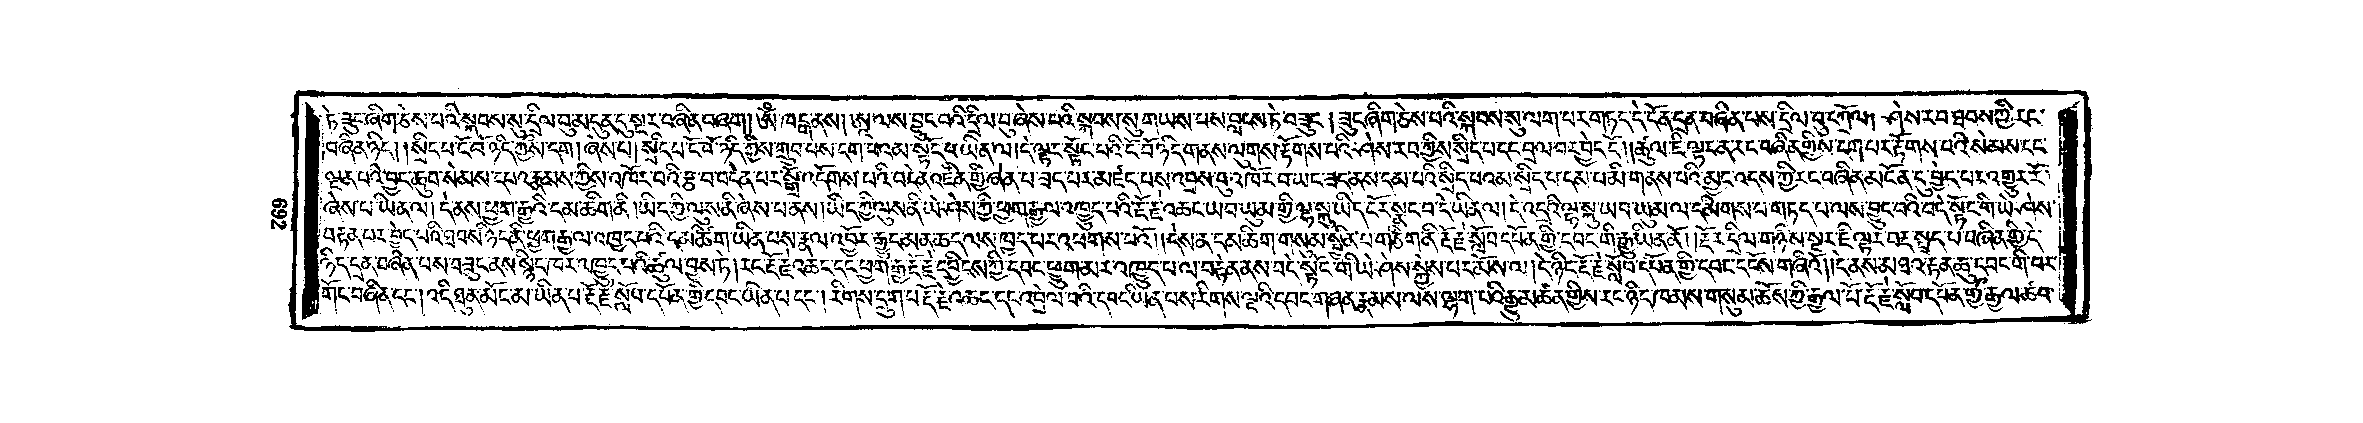ཏེ་ཟུང་ཞིག་ཅེས་པའི་སྐབས་སུ་དྲིལ་བུ་མདུན་དུ་སྔར་བཞིན་བཞག །ཨོཾ་ཁངྒ་ནས། ཨཱ་ལས་བྱུང་བའི་དྲིལ་བུ་ཞེས་པའི་སྐབས་སུ་གཡས་པས་བླངས་ཏེ་བཟུང་། ཟུང་ཞིག་ཅེས་པའི་སྐབས་སུ་ལག་པར་གཏད་དེ་དོན་དྲན་བཞིན་པས་དྲིལ་བུ་དཀྲོལ། ཤེས་རབ་ཐབས་ཀྱི་རང་
བཞིན་ཉིད། །སྲིད་པ་ངོ་བོ་ཉིད་ཀྱིས་དག །ཞེས་པ། སྲིད་པ་ངོ་བོ་ཉིད་ཀྱིས་གྲུབ་པས་དག་པའམ་སྟོད་པ་ཡིན་ལ། དེ་ལྟར་སྟོང་པའི་ངོ་བོ་ཉིད་གནས་ལུགས་རྟོགས་པའི་ཤེས་རབ་ཀྱིས་སྲིད་པ་དང་བྲལ་བར་བྱེད་དོ། །ཚུལ་ཇི་ལྟར་ན་རང་བཞིན་གྱིས་དག་པར་རྟོགས་པའི་སེམས་དང་
ལྡན་པའི་བྱང་ཆུབ་སེམས་དཔའ་རྣམས་ཀྱིས་འཁོར་བའི་རྩ་བ་བདེན་པར་སྒྲོ་འདོགས་པའི་བདེན་འཛིན་གྱི་ཞེན་པ་ཟད་པར་མཛད་པས་འབྲས་བུ་འཁོར་བ་ཡང་ཟད་ནས་དམ་པའི་སྲིད་པའམ་སྲིད་པ་དམ་པ་མི་གནས་པའི་མྱང་འདས་ཀྱི་རང་བཞིན་མངོན་དུ་བྱེད་པར་འགྱུར་རོ།
ཞེས་པ་ཡིན་ལ། དེ་ནས་ཕྱག་རྒྱའི་དམ་ཚིག་ནི། ཡིད་ཀྱི་ལུས་ནི་ཞེས་པ་ནས། ཡིད་ཀྱི་ལུས་ནི་ཡེ་ཤེས་ཀྱི་ཕྱག་རྒྱལ་འཁྱུད་པའི་རྡོ་རྗེ་འཆང་ཡབ་ཡུམ་གྱི་ལྷ་སྐུ་ཡིད་ངོར་སྣང་བ་དེ་ཡིན་ལ། དེ་འདྲའི་ལྷ་སྐུ་ཡབ་ཡུམ་ལ་དམིགས་པ་གཏད་པ་ལས་བྱུང་བའི་བདེ་སྟོང་གི་ཡེ་ཤེས་
བརྟན་པར་བྱེད་པའི་ཐབས་ཉིད་ནི་ཕྱག་རྒྱལ་འཁྱད་པའི་དམ་ཚིག་ཡིན་པས་རྣལ་འབྱོར་རྒྱུད་མན་ཆད་ལས་ཁྱད་པར་འཕགས་པའོ། །དེས་ན་དམ་ཚིག་གསུམ་སྦྱིན་པ་གཅིག་ནི་རྡོ་རྗེ་སློབ་དཔོན་གྱི་དབང་གི་རྒྱུ་ཡིན་ནོ། །རྡོར་དྲིལ་གཉིས་སྔར་ཇི་ལྟར་བརྡ་སྤྲད་པ་བཞིན་གྱི་དེ་
ཉིད་དྲན་བཞིན་པས་བཟུང་ནས་སྙིང་ཁར་འཁྱུད་པའི་ཚུལ་བྱས་ཏེ། རང་རྡོ་རྗེ་འཆང་དང་ཕྱག་རྒྱ་རྡོ་རྗེ་དབྱིངས་ཀྱི་དབང་ཕྱུག་མར་འཁྱུད་པ་ལ་བརྟེན་ནས་བདེ་སྟོང་གི་ཡེ་ཤེས་སྐྱེས་པར་མོས་ལ། དེ་ཉིད་རྡོ་རྗེ་སློབ་དཔོན་གྱི་དབང་དངོས་གཞིའོ། །དེ་ནས་མཐའ་རྟན་ཆུ་དབང་གི་བར་
གོང་བཞིན་དང་། འདི་ཐུན་མོང་མ་ཡིན་པ་རྡོ་རྗེ་སློབ་དཔོན་གྱི་དབང་ཡིན་པ་དང་། རིགས་དྲུག་པ་རྡོ་རྗེ་འཆང་དང་འབྲེལ་བའི་དབང་ཡིན་པས་རིགས་ལྔའི་དབང་གཞན་རྣམས་ལས་ལྷག་པའི་རྒྱུ་མཚན་གྱིས་རང་ཉིད་ཁམས་གསུམ་ཆོས་ཀྱི་རྒྱལ་པོ་རྡོ་རྗེ་སློབ་དཔོན་གྱི་རྒྱལ་ཚབ་